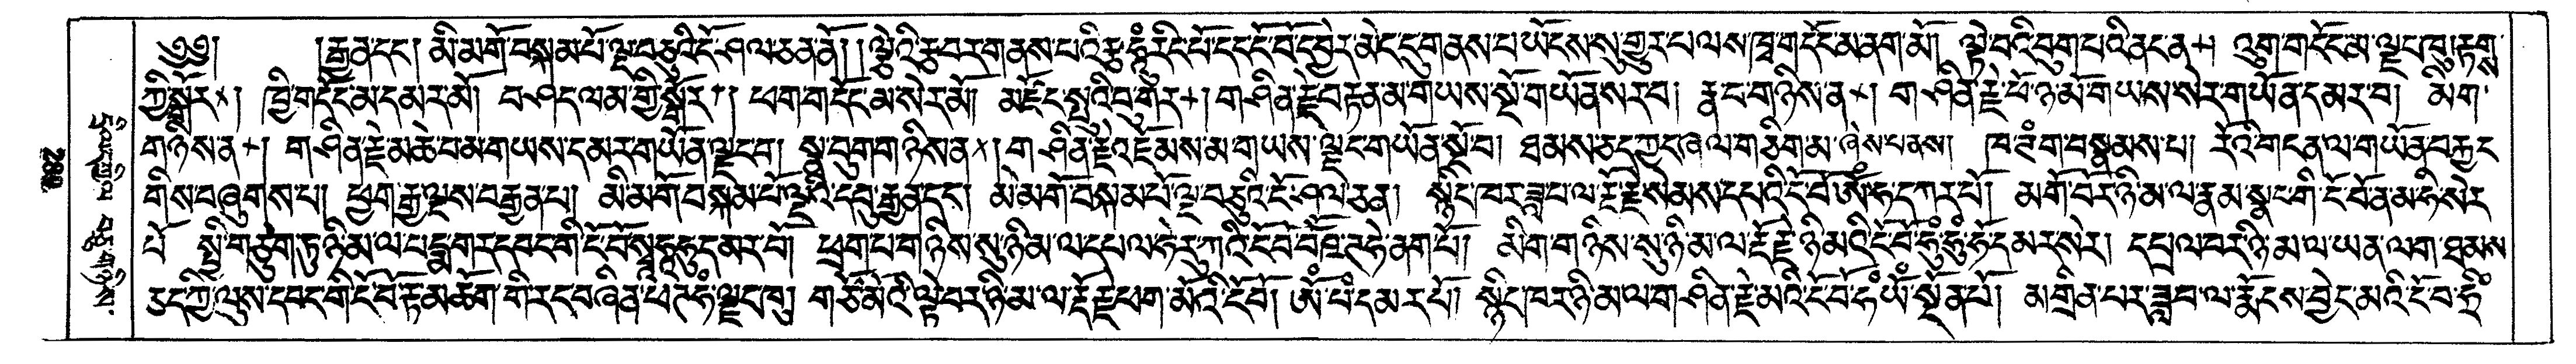༄༅། །རྒྱན་དང་། མི་མགོ་བསྐམ་བོ་ལྔ་བཅུའི་དོ་ཤལ་ཅན་ནོ། །ལྕེའི་རྩ་བར་གནས་པའི་རྩ་ཧཱུཾ་རིང་པོ་དང་ངོ་བོ་དབྱེར་མེད་དུ་གནས་བ་ཡོངས་སུ་གྱུར་པ་ལས་ཁྭ་གདོང་མ་ནག་མོ། ལྟེ་བའི་བུག་པའི་ནང་ན། འུག་གདོང་མ་ལྗང་ཁུ། རྟགས་
ཀྱི་སྒོར། ཁྱི་གདོང་མ་དམར་མོ། བཤང་ལམ་གྱི་སྒོར། ཕག་གདོང་མ་སེར་མོ། མཛོད་སྤུའི་བུ་གར། གཤིན་རྗེ་བརྟན་མ་གཡས་སྔོ་གཡོན་སེར་བ། རྣ་བ་གཉིས་ན། གཤིན་རྗེ་ཕོ་ཉ་མོ་གཡས་སེར་གཡོན་དམར་བ། མིག་
གཉིས་ན། གཤིན་རྗེ་མཆེ་བ་མ་གཡས་དམར་གཡོན་ལྗང་བ། སྣ་བུག་གཉིས་ན། གཤིན་རྗེ་འཇོམས་མ་གཡས་ལྗང་གཡོན་སྔོ་བ། ཐམས་ཅད་ཀྱང་ཞལ་གཅིག་མ་ཞེས་པ་ནས། ཁ་ཊཱྭཾ་བསྣམས་པ། རོའི་གདན་ལ་གཡོན་བརྐྱང་
གིས་བཞུགས་པ། ཕྱག་རྒྱ་ལྔས་བརྒྱན་པ། མི་མགོ་བསྐམ་པོ་ལྔའི་དབུ་རྒྱན་དང་། མི་མགོ་བསྐམ་པོ་ལྔ་བཅུའི་དོ་ཤལ་ཅན། སྙིང་ཁར་ཟླ་བ་ལ་རྡོ་རྗེ་སེམས་དཔའི་ངོ་བོ་ཨོཾ་ཧ་དཀར་པོ། མགོ་བོར་ཉི་མ་ལ་རྣམ་སྣང་གི་ངོ་བོ་ནམ་ཧི་སེར་
པོ༑ སྤྱི་གཙུག་ཏུ་ཉི་མ་ལ་པདམ་གར་དབང་གི་ངོ་བོ་སྭཱ་ཧཱ་ཏུ་དམར་པོ། ཕྲག་པ་གཉིས་སུ་ཉི་མ་ལ་དཔལ་ཧེ་རུ་ཀའི་ངོ་བོ་བཽཥྚ་ཧེ་ནག་པོ། མིག་གཉིས་སུ་ཉི་མ་ལ་རྡོ་རྗེ་ཉི་མའི་ངོ་བོ་ཧུཾ་ཧུཾ་ཧོད་མར་སེར། དཔལ་བར་ཉི་མ་ལ་ཡན་ལག་ཐམས་
ཅད་ཀྱི་ལུས་དབང་གི་ངོ་བོ་རྟ་མཆོག་གི་རང་བཞིན་ཕཊ་ཧཾ་ལྗང་ཁུ། གཙོ་མོའི་ལྟེ་བར་ཉི་མ་ལ་རྡོ་རྗེ་ཕག་མོའི་ངོ་བོ། ཨོཾ་བཾ་དམར་པོ། སྙིང་ཁར་ཉི་མ་ལ་གཤིན་རྗེ་མའི་ངོ་བོ་ཧཾ་ཨོཾ་སྔོན་བོ། མགྲིན་པར་ཟླ་བ་ལ་རྨོངས་བྱེད་མའི་ངོ་བོ་ཧྲི་